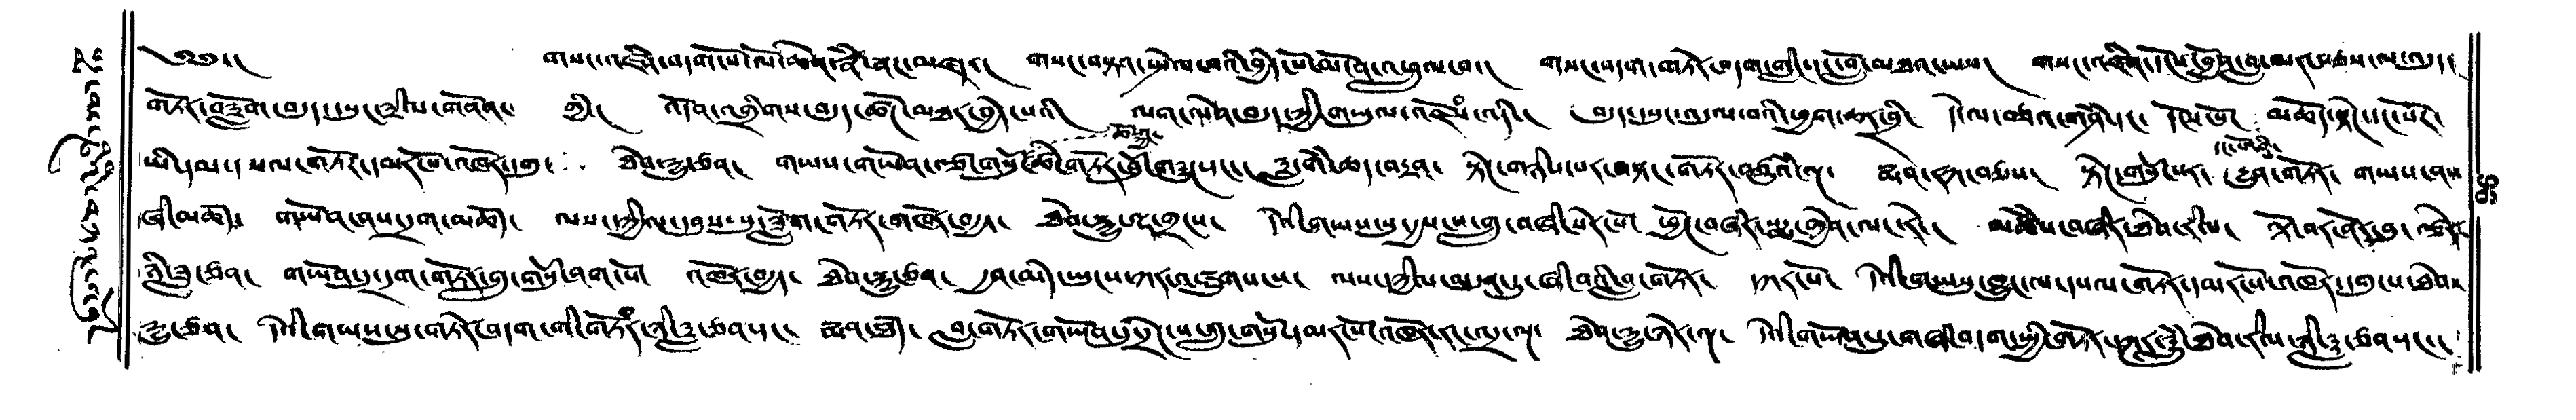གསང་འཛིན་བདག་པོ་ལོ་ཆེན་རྣམ་སྣང་མཛད། །གསང་བསྟན་སྤེལ་བའི་བྱེད་པོར་མངོན་འཕྲུལ་བ། །གསང་བདག་གཏེར་བདག་གླིང་དང་བློ་མཐའ་ཡས། །གསང་འཛིན་དངོས་བྱོན་བླ་མར་བཅས་ལ་འདུད། །
གཏོར་ཟློག་བདུད་དཔུང་ཟིལ་གནོན་གྱི། །འདོན་འགྲིགས་བདུད་ཚོགས་མཐར་བྱེད་པའི། །ལག་ལེན་བདུད་ཀྱི་གཡུལ་འཇོམས་འདི། །བདུད་དཔུང་འདུལ་བའི་ཕྱག་ཆར་བྲི། དེ་ལ་བཅའ་ཤོམ་དང་། དངོས་སོ། དང་པོ་ནི། མཆོད་སྟེགས་དང་པོར། 
ཡི་དམ་དཔལ་གཏོར་དམར་པོ་འཁོར་དགུ། མཐེབ་སྐྱུ་ཅན། གཡས་གཡོན་རྩ་གསུམ་ཆོས་སྐྱོང་ཚེ་གཏོར་བུམ་གཟུགས་དང་ཟླ་གམ། ཆད་བརྟན། སྟེགས་གཉིས་པར་བསྐང་གཏོར་བཅུའམ་ལྔ། སྨན་རཀ་བཅས། སྟེགས་གསུམ་པར། རྒྱུན་གཏོར། གཡས་ནས་
ཞི་མཆོད། གཡོན་ནས་དྲག་མཆོད། ལས་དཀྱིལ་དབུས་སུ་ཟློག་གཏོར་འཁོར་བརྒྱད། མཐེབ་སྐྱུ་ལྷ་གྲངས། དེའི་གཡས་སུ་རྒྱས་པ་གྲུ་བཞི་སེར་པོ། ཕྱོགས་བཞིར་པདྨ་གྱེན་ལང་རེ། མཚམས་བཞིར་མཐེབ་རིལ། ལྟོ་བར་ནོར་བུ། རྩེར་
ཉི་ཟླ་ཅན། གཡོན་དུ་དྲག་གཏོར་གྲུ་གསུམ་ནག་པོ། འཁོར་བརྒྱད། མཐེབ་སྐྱུ་ཅན། རྒྱན་མེད་ཡུངས་དཀར་འཛུགས་པ། ལས་དཀྱིལ་མདུན་དུ་ཞི་བའི་བླ་གཏོར་དཀར་པོ། དེའི་གཡས་སུ་ཁྱུང་ལ་དཔལ་གཏོར་དམར་པོ་འཁོར་དགུ་པ་མཐེབ་
སྐྱུ་ཅན། དེའི་གཡས་སུ་གཏེར་བདག་གི་གཏོར་མ་ཉི་ཟླ་ཅན་དང་། སྨན་ཐོད། བླ་གཏོར་གཡོན་དུ་དྲེགས་པ་གྲུ་གསུམ་དམར་པོ་འཁོར་རང་འདྲ་ལྔ། མཐེབ་སྐྱུ་ཉེར་ལྔ། དེའི་གཡོན་དུ་གཞི་བདག་སྤྱི་གཏོར་དཀར་ཟླུམ་མཐེབ་རིལ་ཉི་ཟླ་ཅན་དང་།